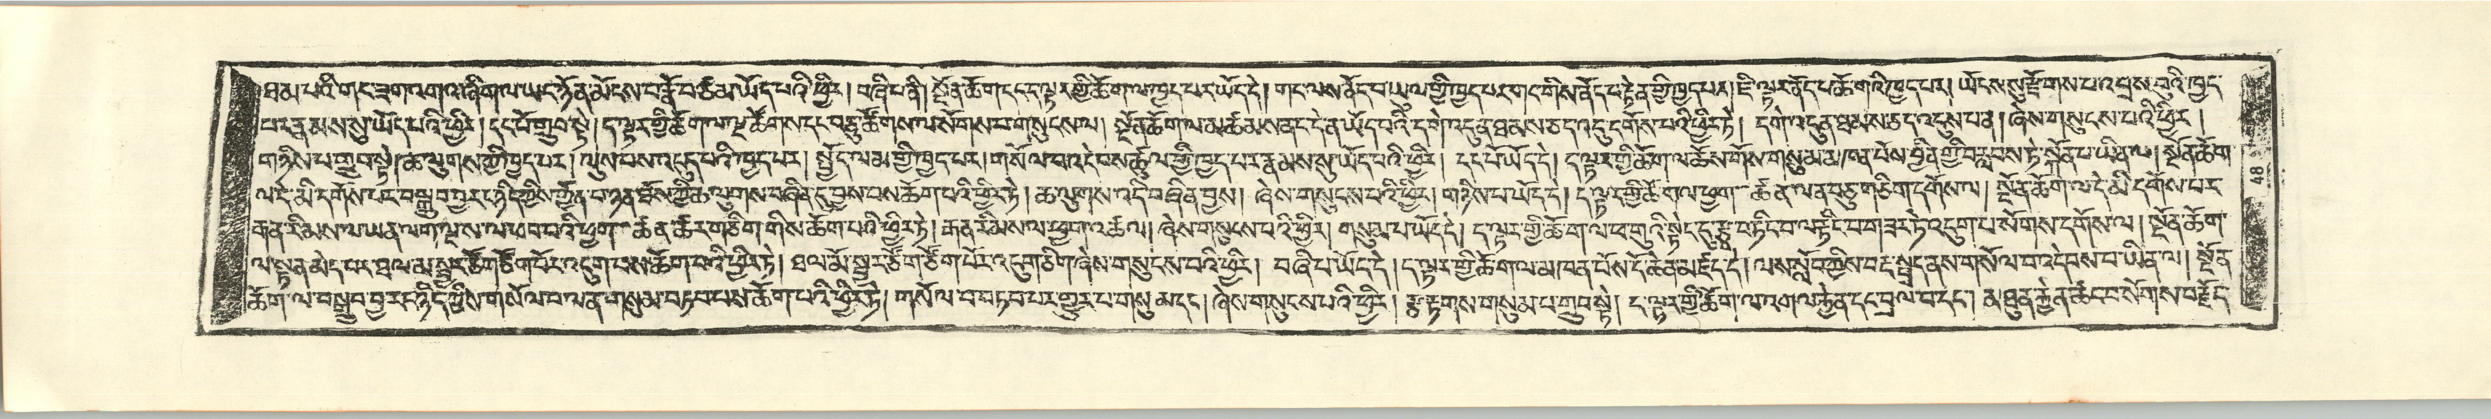ཐམ་པའི་གང་ཟག་འགའ་ཞིག་ལ་ཡང་ཉོན་མོངས་པ་རྣོ་བཙམ་ཡོད་པའི་ཕྱིར། བཞི་པ་ནི། སྔོན་ཆོ་ག་དང་ད་ལྟར་གྱི་ཆོ་ག་ལ་ཁྱད་པར་ཡོད་དེ། གང་ལས་ནོད་བ་ཡུལ་གྱི་ཁྱད་པར་གང་གིས་ནོད་བརྟེན་གྱི་ཁྱད་པར། ཇི་ལྟར་ནོད་པ་ཆོ་གའི་ཁྱད་པར། ཡོངས་སུ་རྫོགས་པ་འབྲས་བུའི་ཁྱད་
པར་རྣམས་སུ་ཡོད་པའི་ཕྱིར། དང་པོ་གྲུབ་སྟེ། ད་ལྟར་གྱི་ཆོ་ག་ལ་ལྔ་ཚོགས་དང་བཅུ་ཚོགས་ལ་སོགས་པ་གསུངས་ལ། སྔོན་ཆོག་ལ་མཚམས་ནང་དེ་ན་ཡོད་པའི་དགེ་འདུན་ཐམས་ཅད་འདུ་དགོས་པའི་ཕྱིར་ཏེ། དགེ་འདུན་ཐམས་ཅད་འདུས་པ་ན། ཞེས་གསུངས་པའི་ཕྱིར།
གཉིས་པ་གྲུབ་སྟེ། ཆ་ལུགས་ཀྱི་ཁྱད་པར། ལུས་པས་འདུད་པའི་ཁྱད་པར། སྤྱོད་ལམ་གྱི་ཁྱད་པར། གསོལ་བ་འདེབས་ཚུལ་གྱི་ཁྱད་པར་རྣམས་སུ་ཡོད་པའི་ཕྱིར། དང་པོ་ཡོད་དེ། ད་ལྟར་གྱི་ཆོ་ག་ལ་ཆོས་གོས་གསུམ་མཁན་པོས་བྱིན་གྱི་བརླབས་ཏེ་སྐོན་པ་ཡིན་ལ། སྔོན་ཆོག་
ལ་དེ་མི་དགོས་པར་བསྒྲུབ་བྱ་རང་ཉིད་ཀྱིས་གྱོན་པ་ཉན་ཐོས་ཀྱི་ཆ་ལུགས་བཞིན་དུ་བྱས་པས་ཆོག་པའི་ཕྱིར་ཏེ། ཆ་ལུགས་འདི་བཞིན་བྱས། ཞེས་གསུངས་པའི་ཕྱིར། གཉིས་པ་ཡོད་དེ། ད་ལྟར་གྱི་ཆོ་ག་ལ་ཕྱག་ཚན་ལན་བཅུ་གཅིག་དགོས་ལ། སྔོན་ཆོག་ལ་དེ་མི་དགོས་པར་
རྒན་རིམས་ལ་ཡན་ལག་ལྔ་ས་ལ་ཕབ་པའི་ཕྱག་ཚན་ཚར་གཅིག་གིས་ཆོག་པའི་ཕྱིར་ཏེ། རྒན་རིམས་ལ་ཕྱག་འཚལ། ཞེས་གསུངས་པའི་ཕྱིར། གསུམ་པ་ཡོད་དེ། ད་ལྟར་གྱི་ཆོ་ག་ལ་ཕ་གུའི་སྟེང་དུ་རྟྭ་པ་ཏིང་བ་ལ་རྟིང་པ་གཟར་ཏེ་འདུག་པ་སོགས་དགོས་ལ། སྔོན་ཆོག་
ལ་སྟན་མེད་པར་ཐལ་མ་སྦྱར་ཙོག་ཙོག་པོར་འདུག་པས་ཆོག་པའི་ཕྱིར་ཏེ། ཐལ་མོ་སྦྱར་ཙོག་ཙོག་པོར་འདུག་ཅིག་ཞེས་གསུངས་པའི་ཕྱིར། བཞི་པ་ཡོད་དེ། ད་ལྟར་གྱི་ཆོ་ག་ལ་མཁན་པོས་དོ་ཆེན་མཛད་དེ། ལས་སློབ་ཀྱིས་བརྡ་སྤྲད་ནས་གསོལ་བ་འདེབས་པ་ཡིན་ལ། སྔོན་
ཆོག་ལ་བསྒྲུབ་བྱ་རང་ཉིད་ཀྱིས་གསོལ་བ་ལན་གསུམ་བཏབ་པས་ཆོག་པའི་ཕྱིར་ཏེ། གསོལ་བ་བཏབ་པར་གྱུར་པ་གསུམ་དང་། ཞེས་གསུངས་པའི་ཕྱིར། རྩ་རྟགས་གསུམ་པ་གྲུབ་སྟེ། ད་ལྟར་གྱི་ཆོག་ལ་འགལ་རྐྱེན་དང་བྲལ་བ་དང་། མཐུན་རྐྱེན་ཚང་བ་སོགས་བརྗོད་